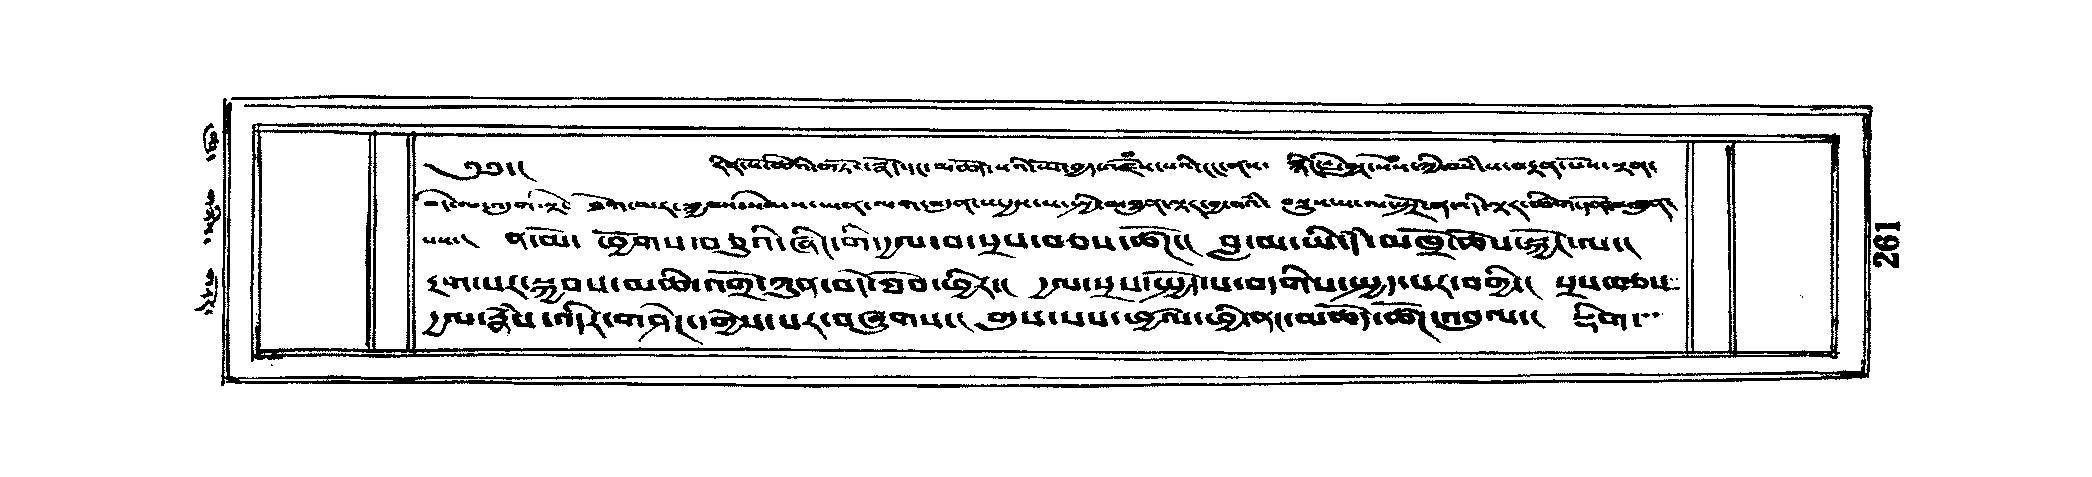རིན་པོ་ཆེའི་གཏོར་སྣོད་དང་མཆོད་པའི་ཡོ་བྱད་འཛོམས་པའི་ངང་ནས། སྙིང་རྗེ་བྱང་སེམས་ཀྱི་བསམ་པ་བརྟན་པོས་སྟན་
བདེ་ལ་འདུག་སྟེ། ཐོག་མར་སྐྱབས་སེམས་ཡན་ལག་བདུན་པ་སྤྱི་མཐུན་ལྟར་བྱའམ། བསྡུས་པ་ལ་སྤྲོ་ན་འདི་ལྟར་ཚིག་དོན་མཐུན་
པས། ན་མོ། ཕྱོགས་བཅུའི་ཞིང་གི་རྒྱལ་བ་སྲས་བཅས་ཚོགས། །བླ་མ་ཡི་དམ་མཁའ་འགྲོ་ཆོས་སྐྱོང་ལ། །
རྟག་པར་སྐྱབས་མཆི་འགྲོ་ཀུན་བདེ་ཐོབ་ཕྱིར། །རྒྱལ་སྲས་སྤྱོད་པ་བདག་གིས་སྤྱད་པར་བགྱི། །སྲས་བཅས་
རྒྱལ་རྣམས་འདིར་བཤེགས་དགྱེས་པར་བཞུགས། །གུས་པས་ཕྱག་འཚལ་ཕྱི་ནང་མཆོད་ཚོགས་འབུལ། །སྡིག་